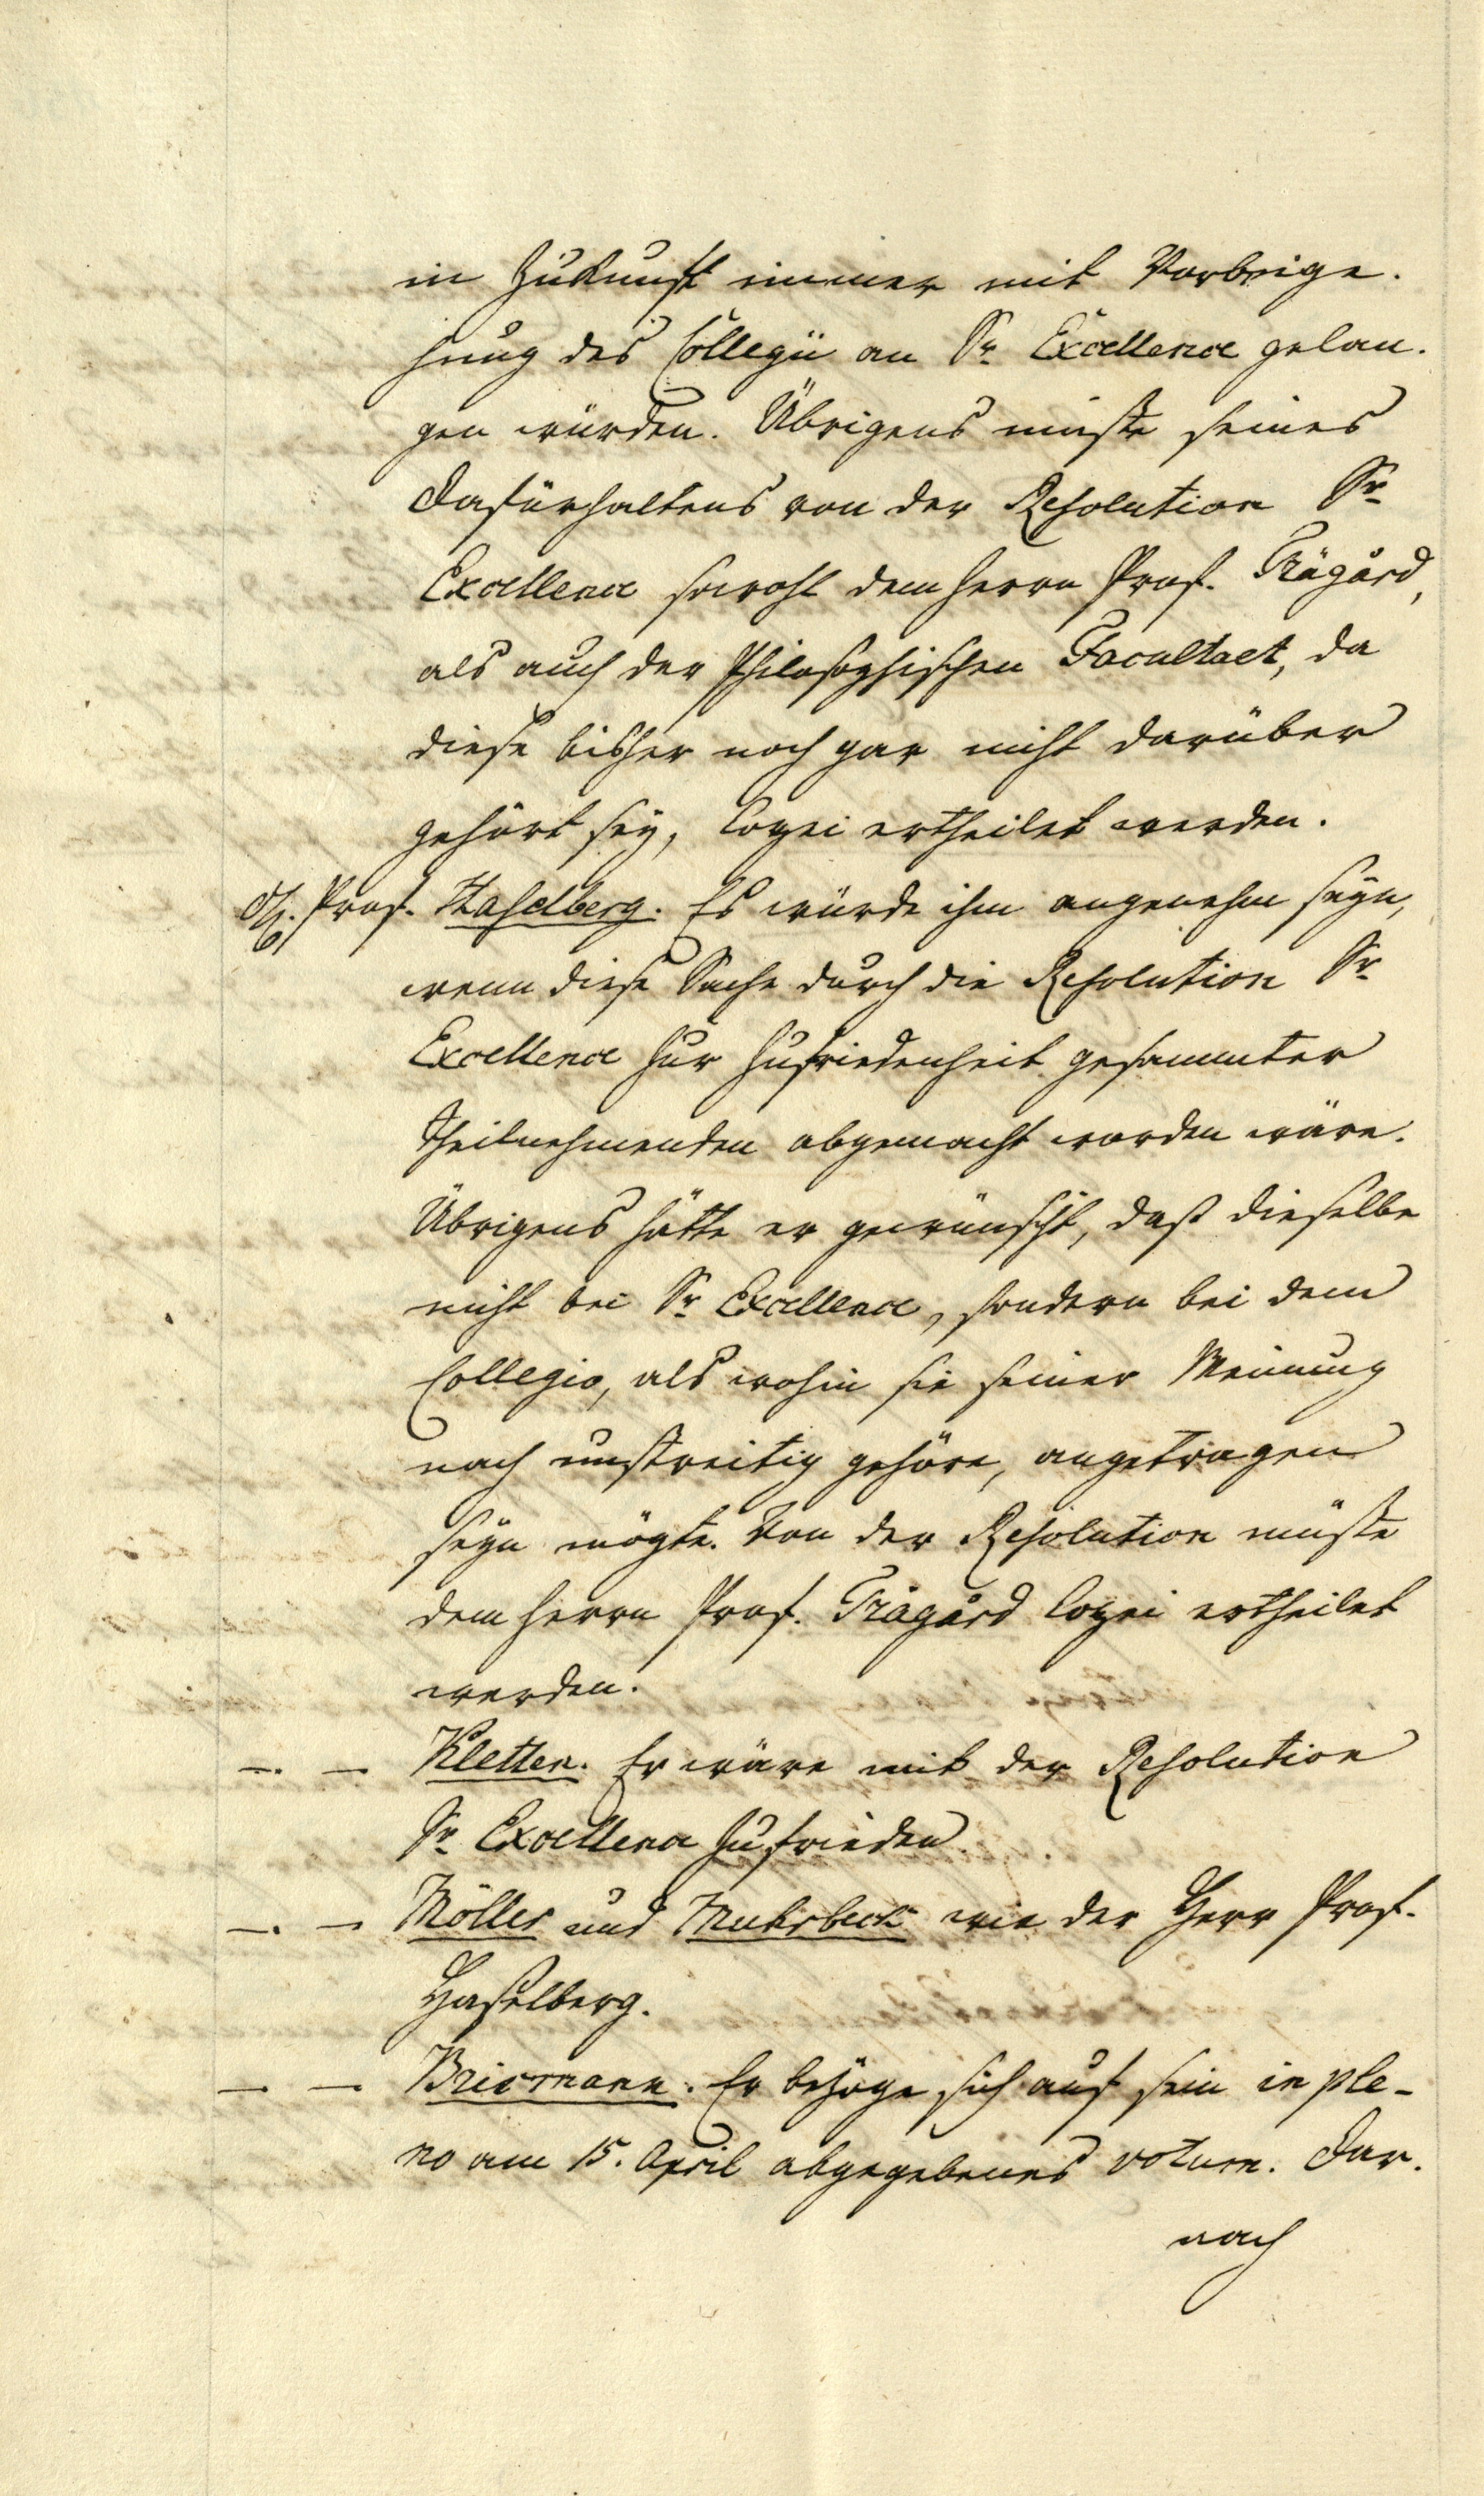in Zukunft immer mit Vorbeige¬
hung des Collegii an Sr Excellence gelan¬
gen würden. Übrigens müßte seines
Dafürhaltens von der Resolution Sr
Excellence sowohl dem Herrn Prof. Trägård
als auch der Philosophischen Facultaet, da
diese bisher noch gar nicht darüber
gehört seÿ, Copei ertheilet werden.
dh. Prof. Haselberg. Es würde ihm angenehm seÿn,
wenn diese Sache durch die Resolution Sr
Excellence zur Zufriedenheit gesammter
Theilnehmenden abgemacht worden wäre.
Übrigens hätte er gewünscht, daß dieselbe
nicht bei Sr Excellence, sondern bei dem
Collegio, als wohin sie seiner Meinung
nach unstreitig gehöre, angetragen
seÿn mögte. Von der Resolution müßte
dem Herrn Prof. Trägård Copei ertheilet
werden.
Kletten. Er wäre mit der Resolution
Sr Excellence zufrieden.
Möller und Muhrbeck wie der Herr Prof.
Haselberg.
Brismann. Er bezöge sich auf sein in ple¬
no am 15. April abgegebenes votum. Dar¬
nach